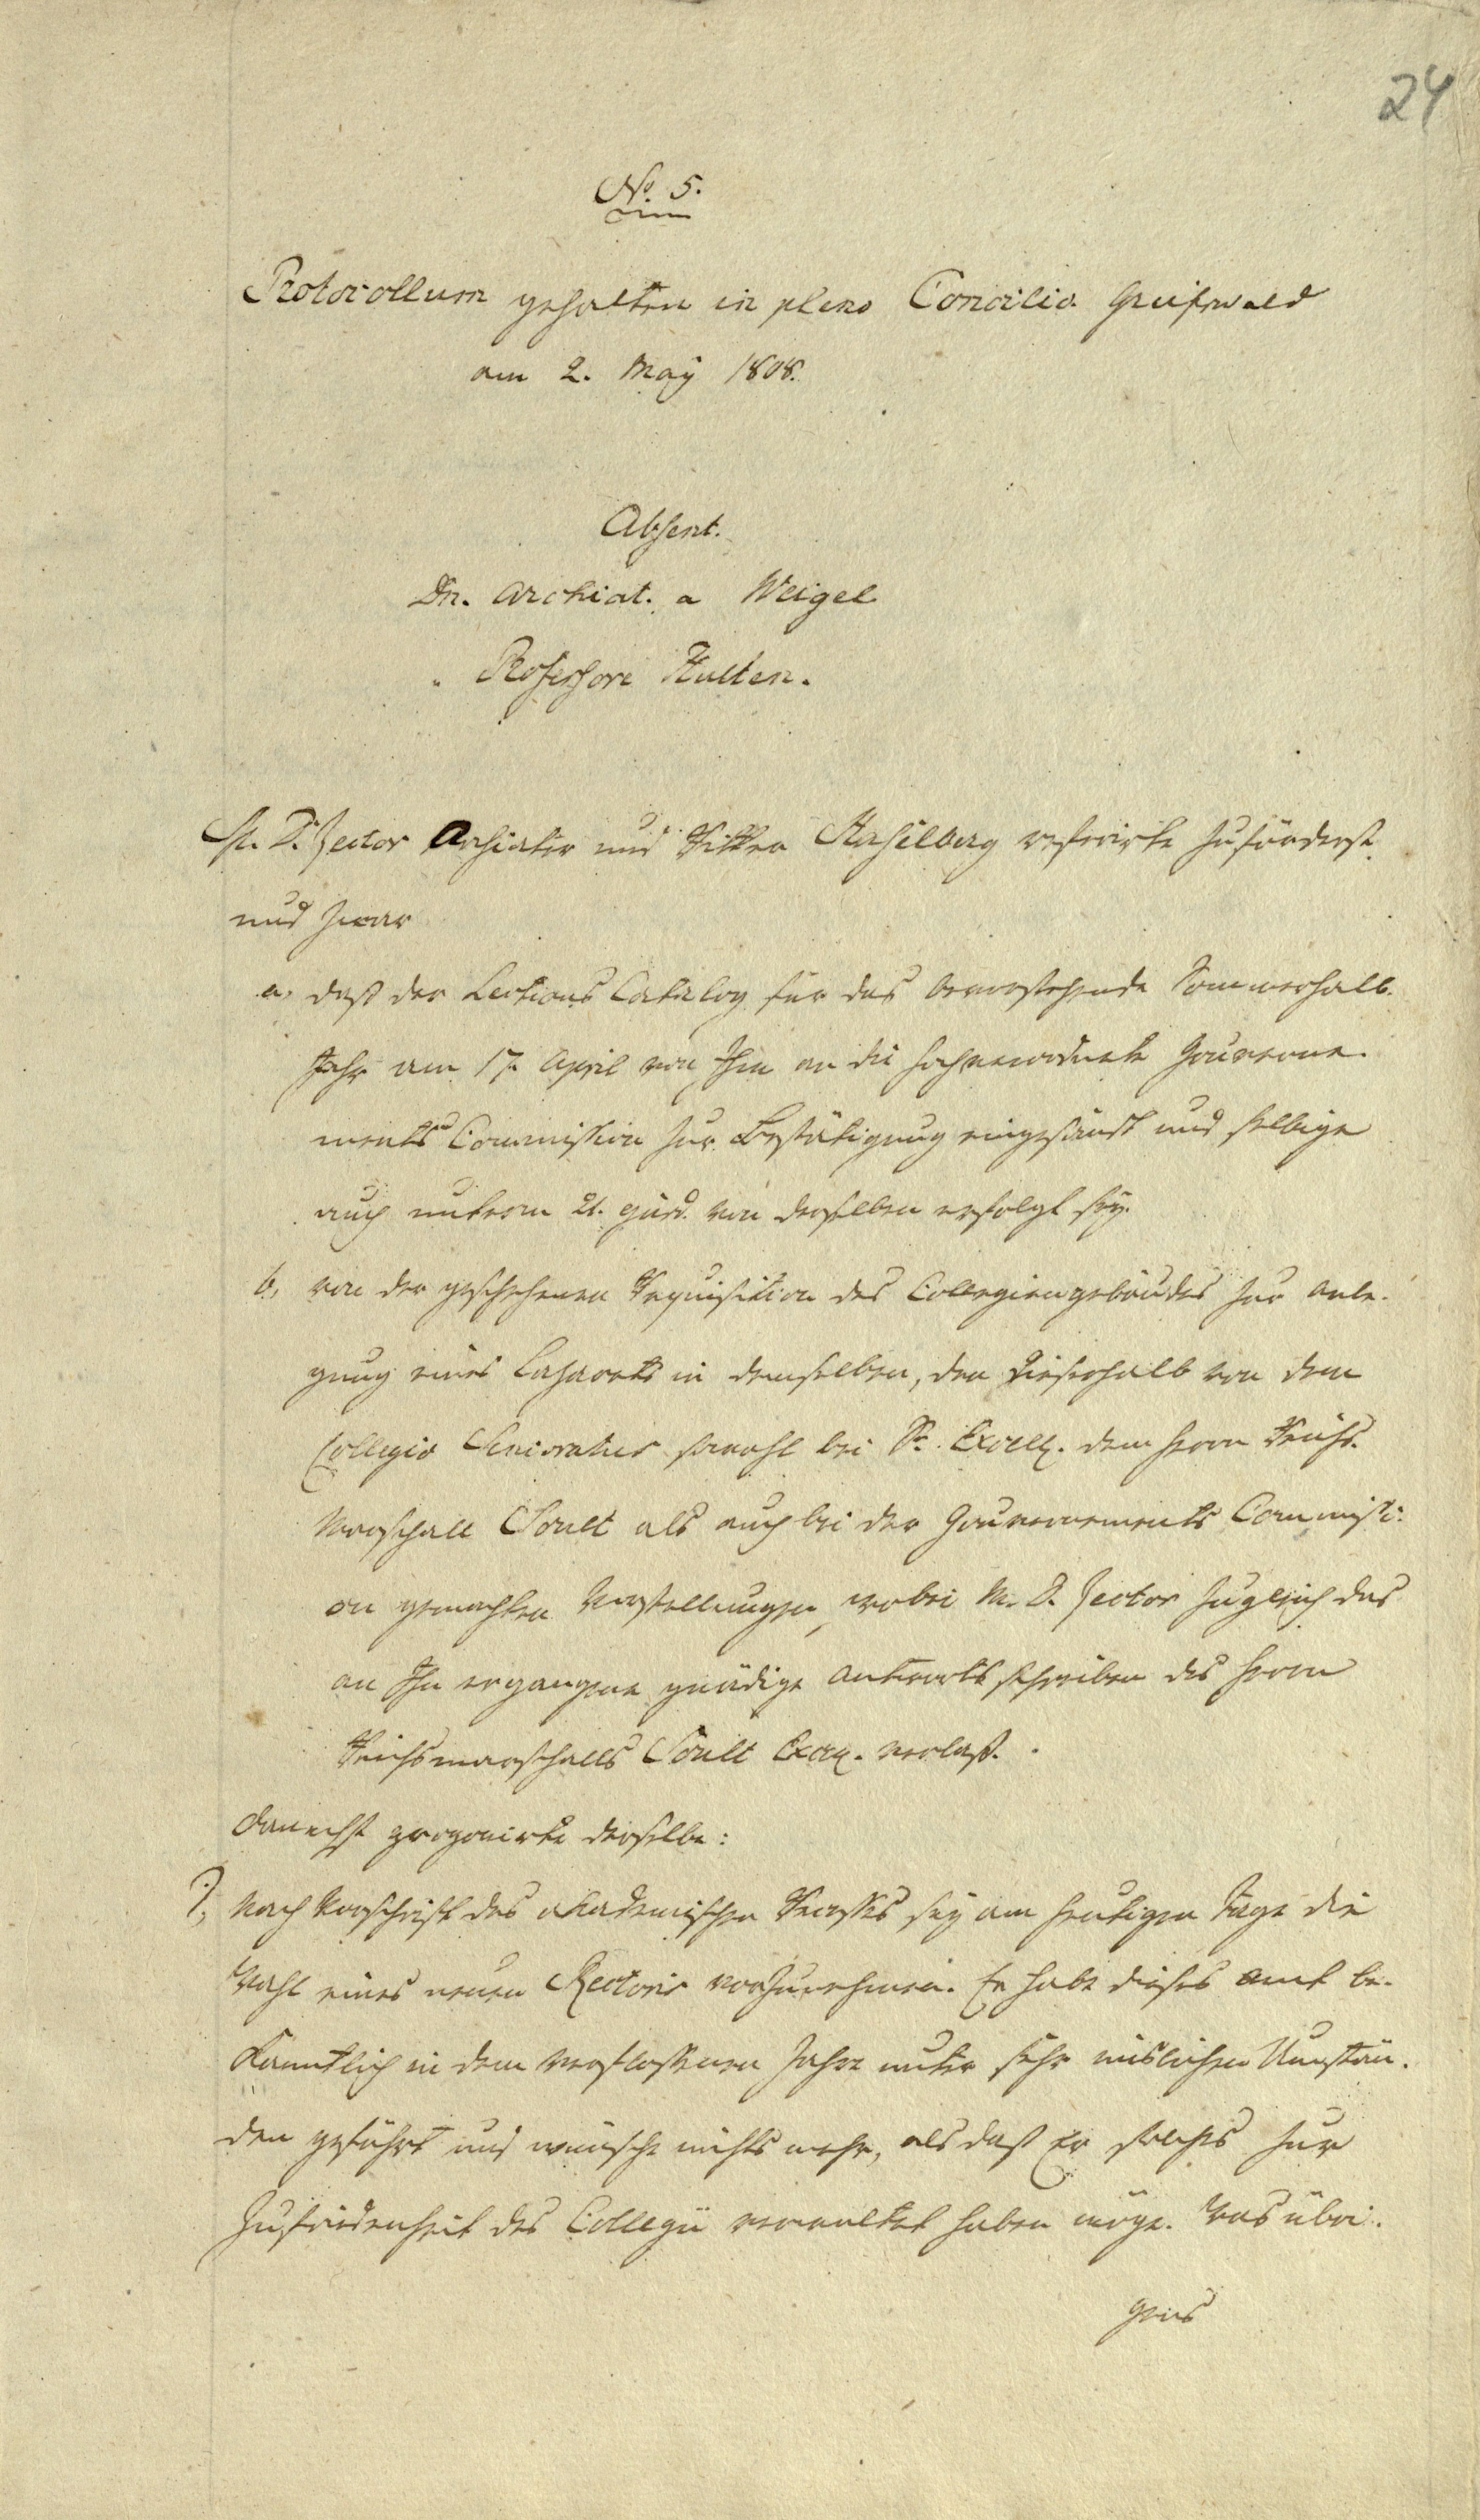No 5.
Protocollum gehalten in pleno Concilio Greifswald
am 2. Maÿ 1808.
Absent.
Dn. Archiat. a Weigel.
Professore Hulten.
M. D. Rector Archiater und Ritter Haselberg referirte zuförderst
und zwar
a. daß der Lections Catalog für das bevorstehende Sommerhalb
Jahr am 17. April von ihm an die hochverordnete Gouverne¬
ments Commission zur Bestätigung eingesandt und selbige
auch unterm 21. ejusd. von derselben erfolgt seÿ.
b., von der geschehenen Requisition des Collegiengebäudes zur Anle¬
gung eines Lazarets in demselben, der dieserhalb von dem
Collegio Senioratus sowohl bei Sr. Excell. dem Herrn Reichs¬
Marschall Soult als auch bei der Gouvernements Commissi¬
on gemachten Vorstellungen wobei M. D. Rector zugleich das
an Ihn ergangene gnädige Antwortsschreiben des Herrn
Reichsmarschalls Soult Excell. verlas.
Danechst proponirte derselbe:
1. Nach Vorschrift des akademischen Recesses seÿ am heutigen Tage die
Wahl eines neuen Rectoris vorzunehmen. Er habe dieses Amt be¬
kanntlich in dem verflossenen Jahre unter sehr mislichen Umstän¬
den geführt und wünsche nichts mehr, als daß Er solches zur
Zufriedenheit des Collegii verwaltet haben möge. Was übri¬
gens